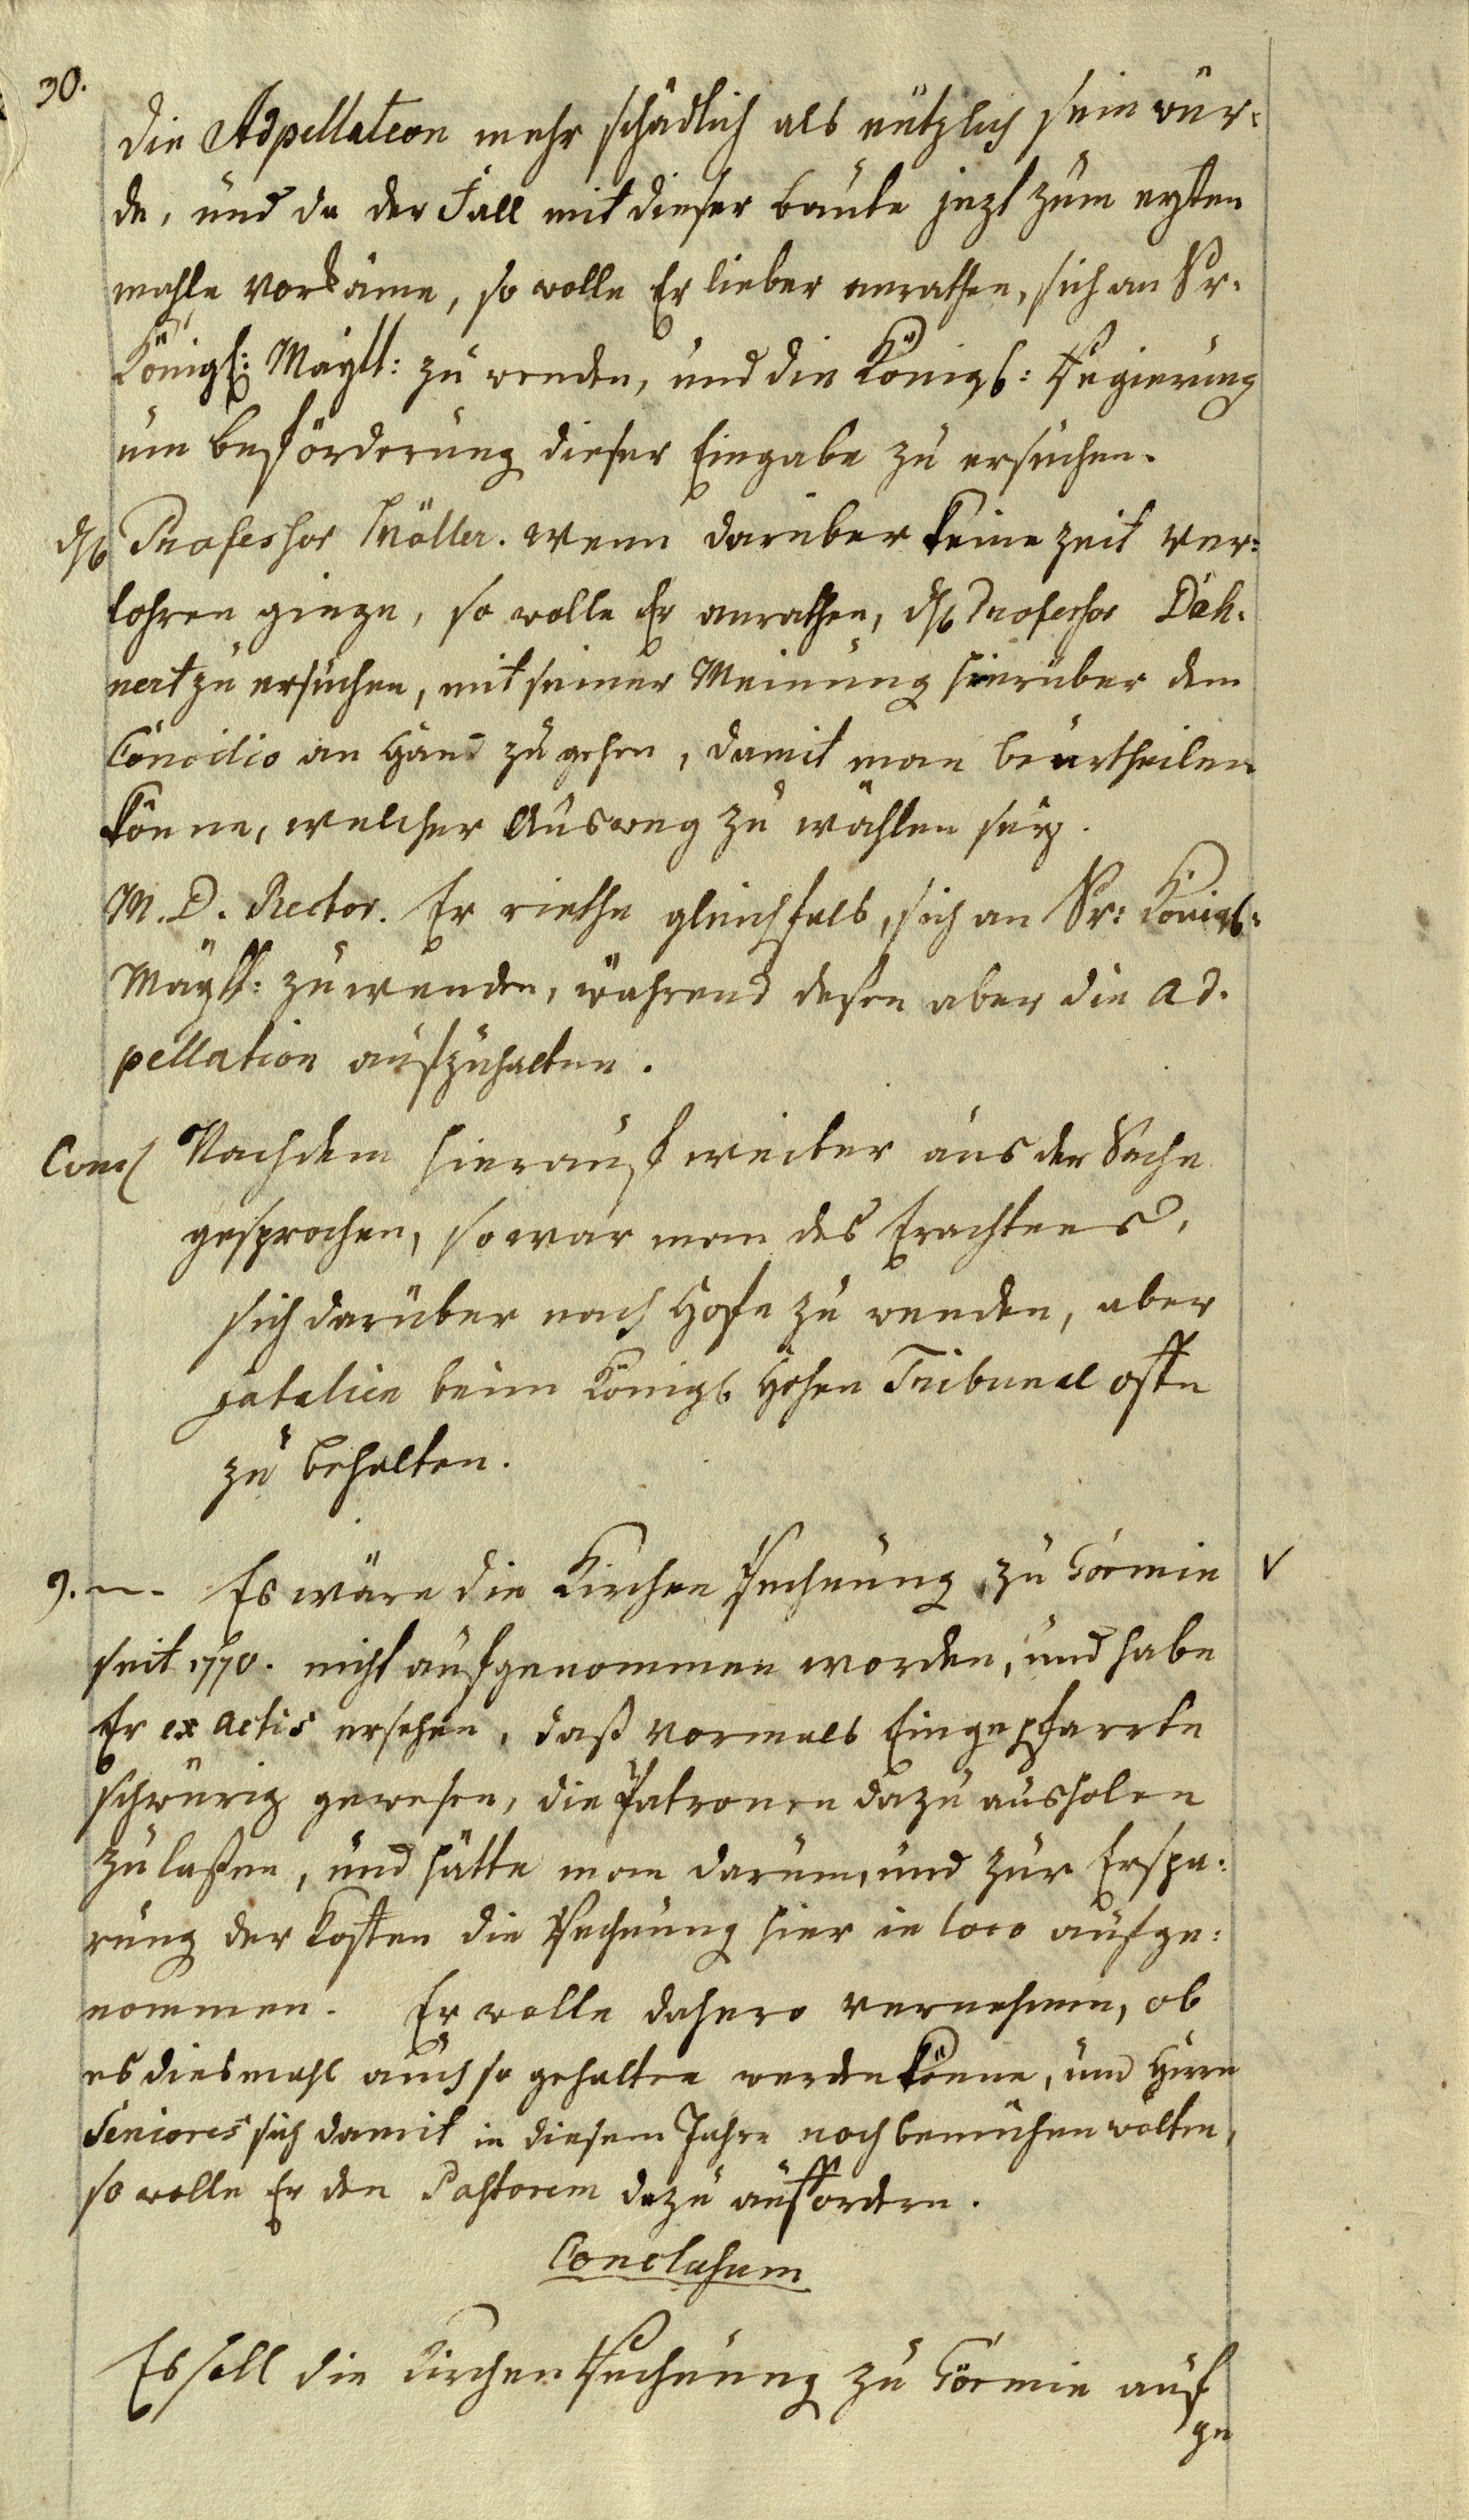die Adpellateon mehr schädlich als nützlich sein wür¬
de, und da der Fall mit dieser Baute jezt zum ersten
mahle vorkäme, so wolle Er lieber anrathen, sich an Sr
Königl Maÿtt. zu wenden, und die Königl. Regierung
um Beförderung dieser Eingabe zu ersuchen.
dh Professor Möller. Wenn darüber keine zeit ver¬
lohren ginge, so wolle Er anrathen, dh Professor Däh¬
nert zu ersuchen, mit seiner Meinung hierüber dem
Concilio an Hand zu gehen, damit man beurtheilen
könne, welcher Ausweg zu wählen seÿ.
M. D. Rector. Er riethe gleichfals, sich an Sr Königl.
Maÿtt. zu wenden, während deßen aber die Ad¬
pellation aufzuhalten.
Concl. Nachdem hierauf weiter aus der Sache
gesprochen, so war man des Erachtens,
sich darüber nach Hofe zu wenden, aber
fatalien beim Königl. Hohen Tribunal offen
zu behalten.
8. Es wäre die Kirchen Rechnung zu Görmin
seit 1770 nicht aufgenommen worden, und habe
Er ex actis ersehen, daß vormals Eingepfarrte
schwürig gewesen, die Patronen dazu ausholen
zu laßen, und hätte man darum und zur Erspa¬
rung der Kosten die Rechnung hier in loco aufge¬
nommen. Er wolle dahero vernehmen, ob
es diesmahl auch so gehalten werden könne, und Herrn
Seniores sich damit in diesem Jahre noch bemühen wolten,
so wolle Er den Pastorem dazu auffordern.
Conclusum
Es soll die Kirchen Rechnung zu Görmin auf
ge